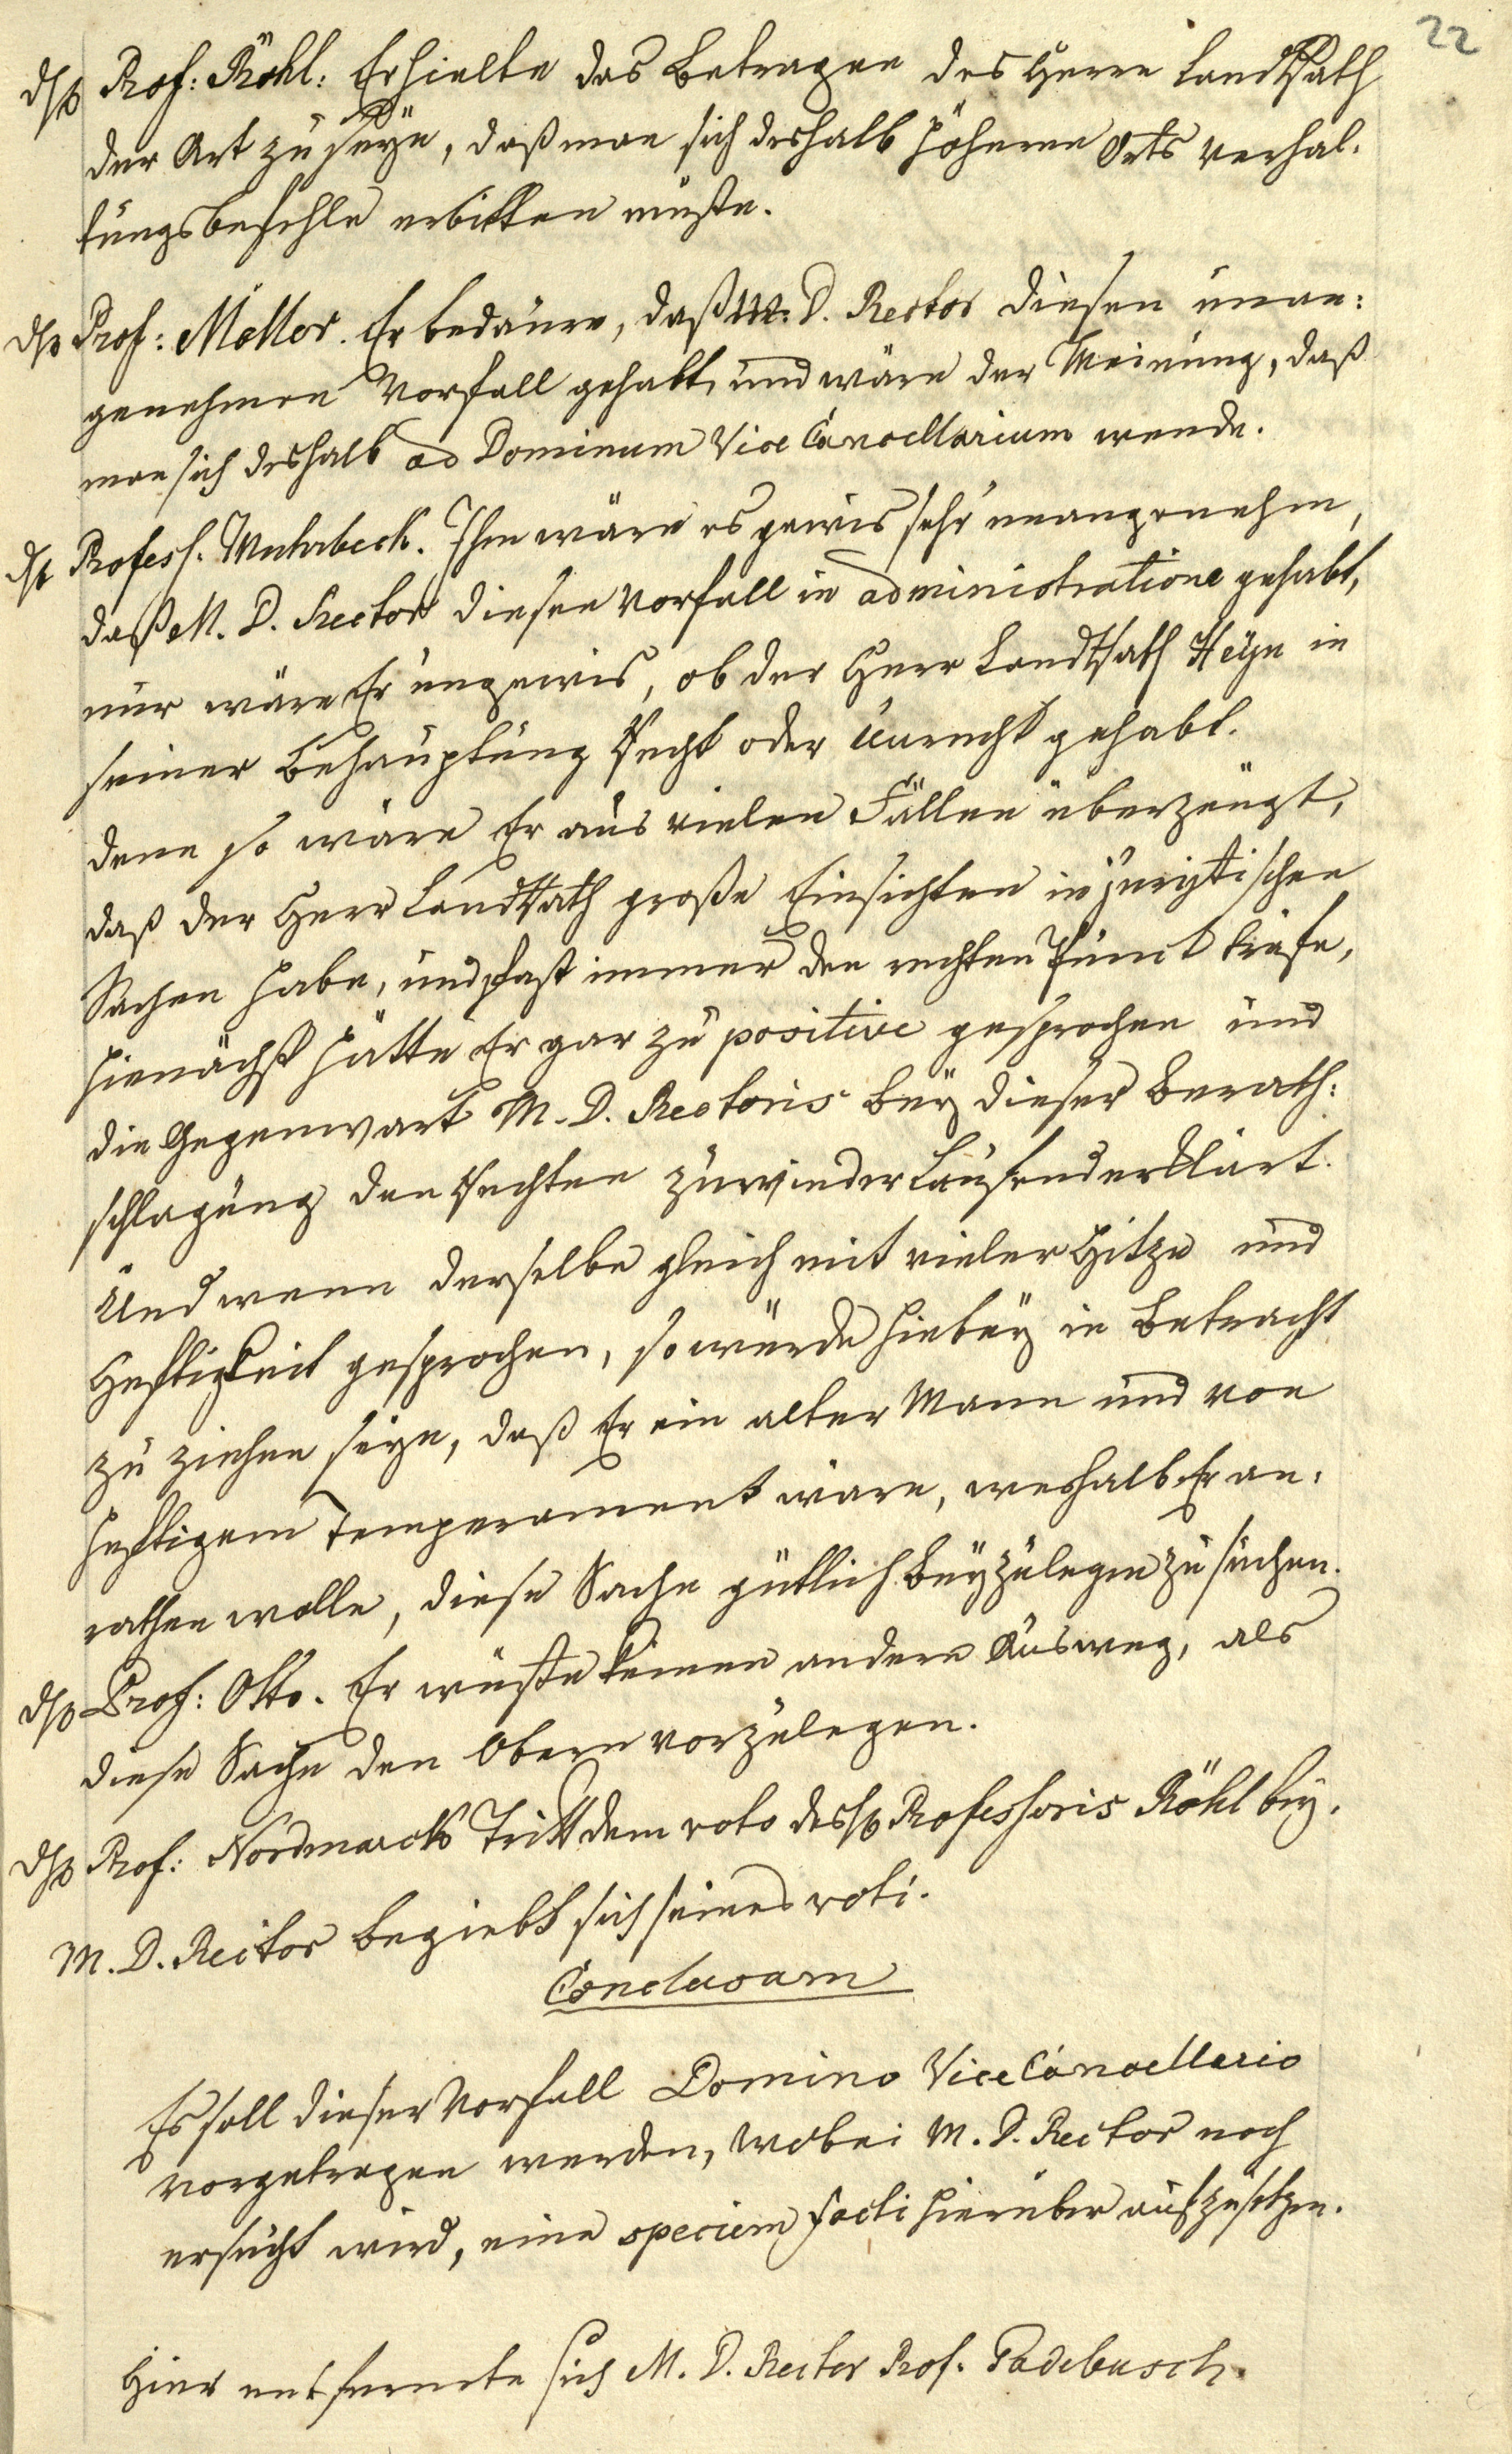dh Prof. Röhl. Er hielte das Betragen des Herrn LandRath
der Art zu seÿn, daß man sich deshalb höheren Orts verhal¬
tungsbefehle erbitten müste.
dh Prof. Möller. Er bedaure, daß M. D. Rector diesen unan¬
genehmen Vorfall gehabt, und wäre der Meinung, daß
man sich deshalb ad Dominum Vice Cancellarium wende.
dh Profesor. Muhrbeck. Ihm wäre es gewis sehr unangenehm,
daß M. D. Rector diesen Vorfall in administratione gehabt,
nur wäre Er ungewis, ob der Herr LandRath Heÿn in
seiner Behauptung Recht oder Unrecht gehabt.
denn so wäre Er aus vielen Fällen überzeugt,
daß der Herr LandRath große Einsichten in juristischen
Sachen habe, und fast immer den rechten Punct träfe,
hienächst hätte Er gar zu positive gesprochen und
die Gegenwart M. M. Rectoris beÿ dieser Berath¬
schlagung den Rechten zuwieder laufend erklärt.
Und wenn derselbe gleich mit vieler Hitze und
Heftigkeit gesprochen, so würde hiebeÿ in Betracht
zu ziehen seÿn, daß Er ein alter Mann und von
heftigem Temperament wäre, weshalb Er an¬
rathen wolle, diese Sache gütlich beÿzulegen zu suchen.
dh Prof. Otto. Er wüste keinen andern Ausweg, als
diese Sache den Obern vorzulegen.
dh Prof. Nordmarck Tritt dem voto des h Professoris Röhl beÿ.
M. D. Rector begiebt sich seines voti.
Conclusum
Es soll dieser Vorfall Domino ViceCancellario
vorgetragen werden, wobei M. D. Rector noch
ersucht wird, eine speciem Facti hierüber aufzusetzen
Hier entfernte sich M. D. Rector Prof. Gadebusch.